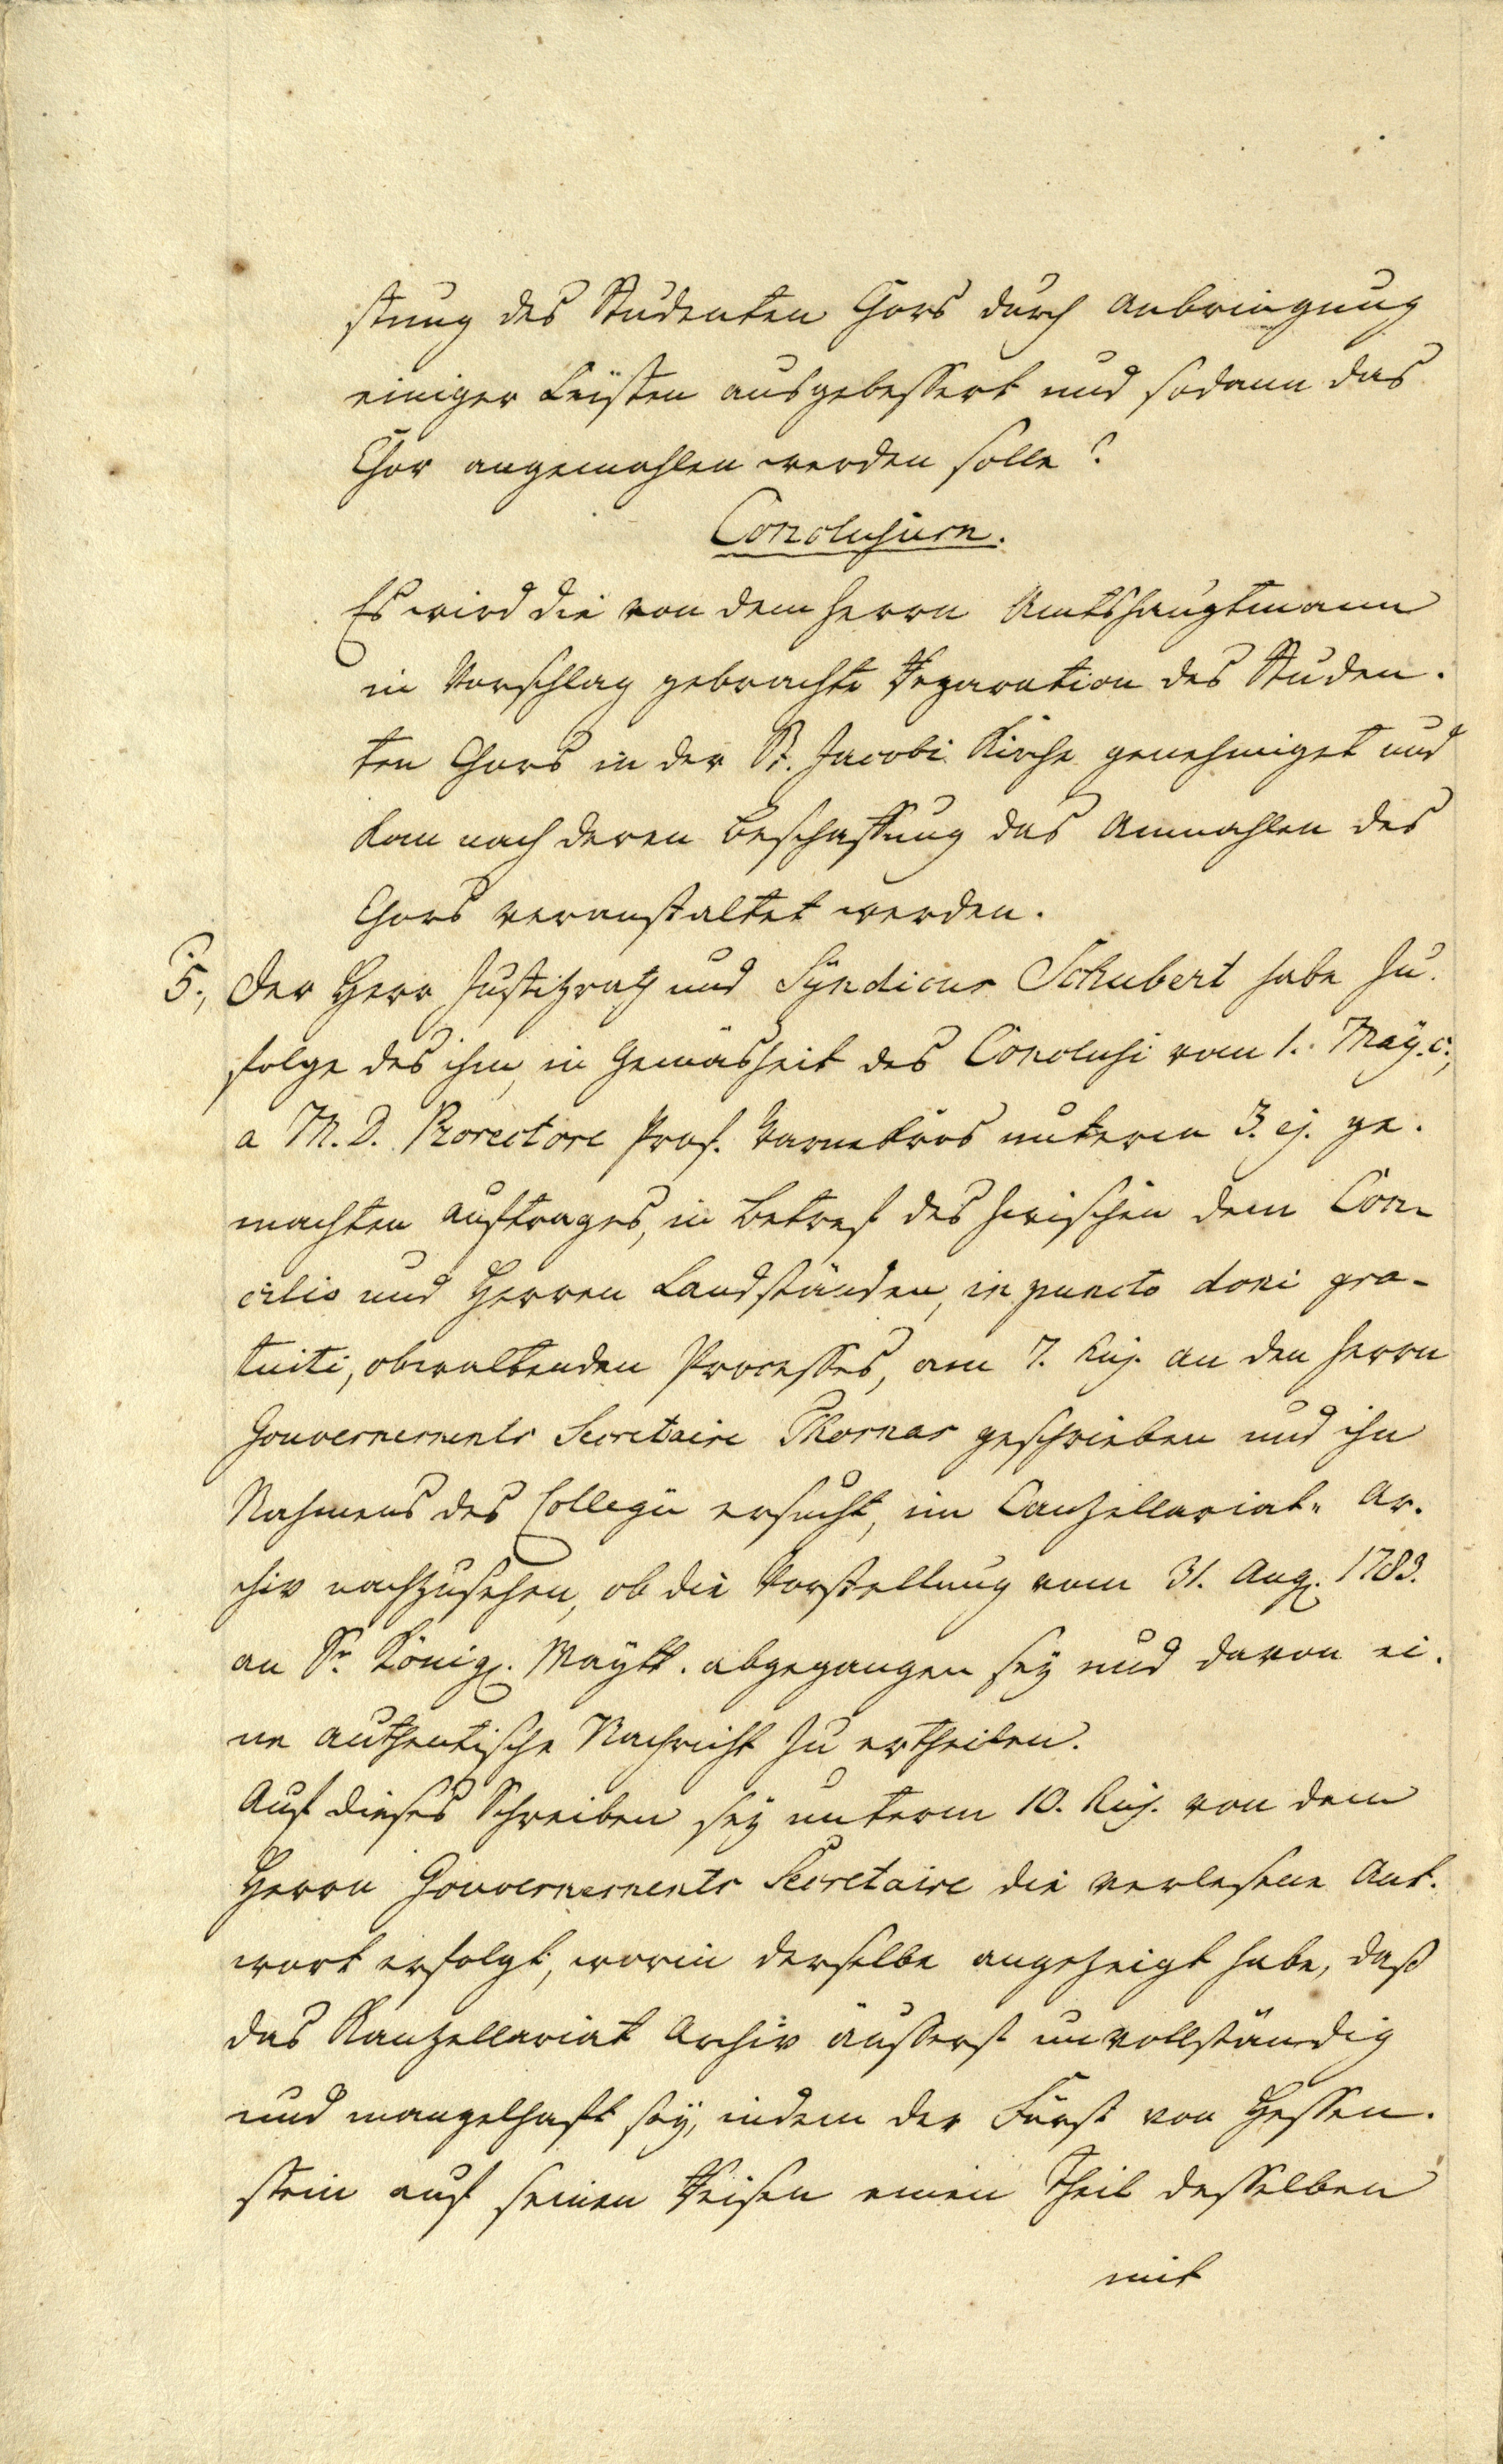5. Der Herr Justizrath und Sÿndicus Schubert habe zu¬
folge des ihm in Gemäsheit des Conclusi vom 1. Maÿ. c.,
a. M. D. Prorectore Prof. Warnekros unterm 3. ej. ge¬
machten Auftrages, in Betref des zwischen dem Con¬
cilio und Herren Landständen in puncto doni gra¬
tuiti, obwaltenden Processes, am 7. huj. an den herrn
Gouvernements Secretaire Thomas geschrieben und ihn
Nahmens des Collegii ersucht, im Canzellariat Ar¬
chiv nachzusehen, ob die Vorstellung vom 31. Aug. 1783
an Sr. Königl. Maÿtt. abgegangen seÿ und davon ei¬
ne authentische Nachricht zu ertheilen.
Auf dieses Schreiben seÿ unterm 10. huj. von dem
Herrn Gouvernements Secretaire die verlesene Ant¬
wort erfolgt, worin derselbe angezeigt habe, daß
das Kanzellariat Archiv äußerst unvollständig
und mangelhaft seÿ, indem der Fürst von Hessen¬
stein auf seinen Reisen einen Theil desselben
mit
stung des Studenten Chors durch Anbringung
einiger Leisten ausgebessert und sodann das
Chor angemahlen werden solle?
Conclusum
Es wird die von dem herrn Amtshauptmann
in Vorschlag gebrachte Reparation des Student¬
ten Chors in der St. Jacobi Kirche genehmiget und
kan nach deren Beschaffung das Anmahlen des
Chors veranstaltet werden.